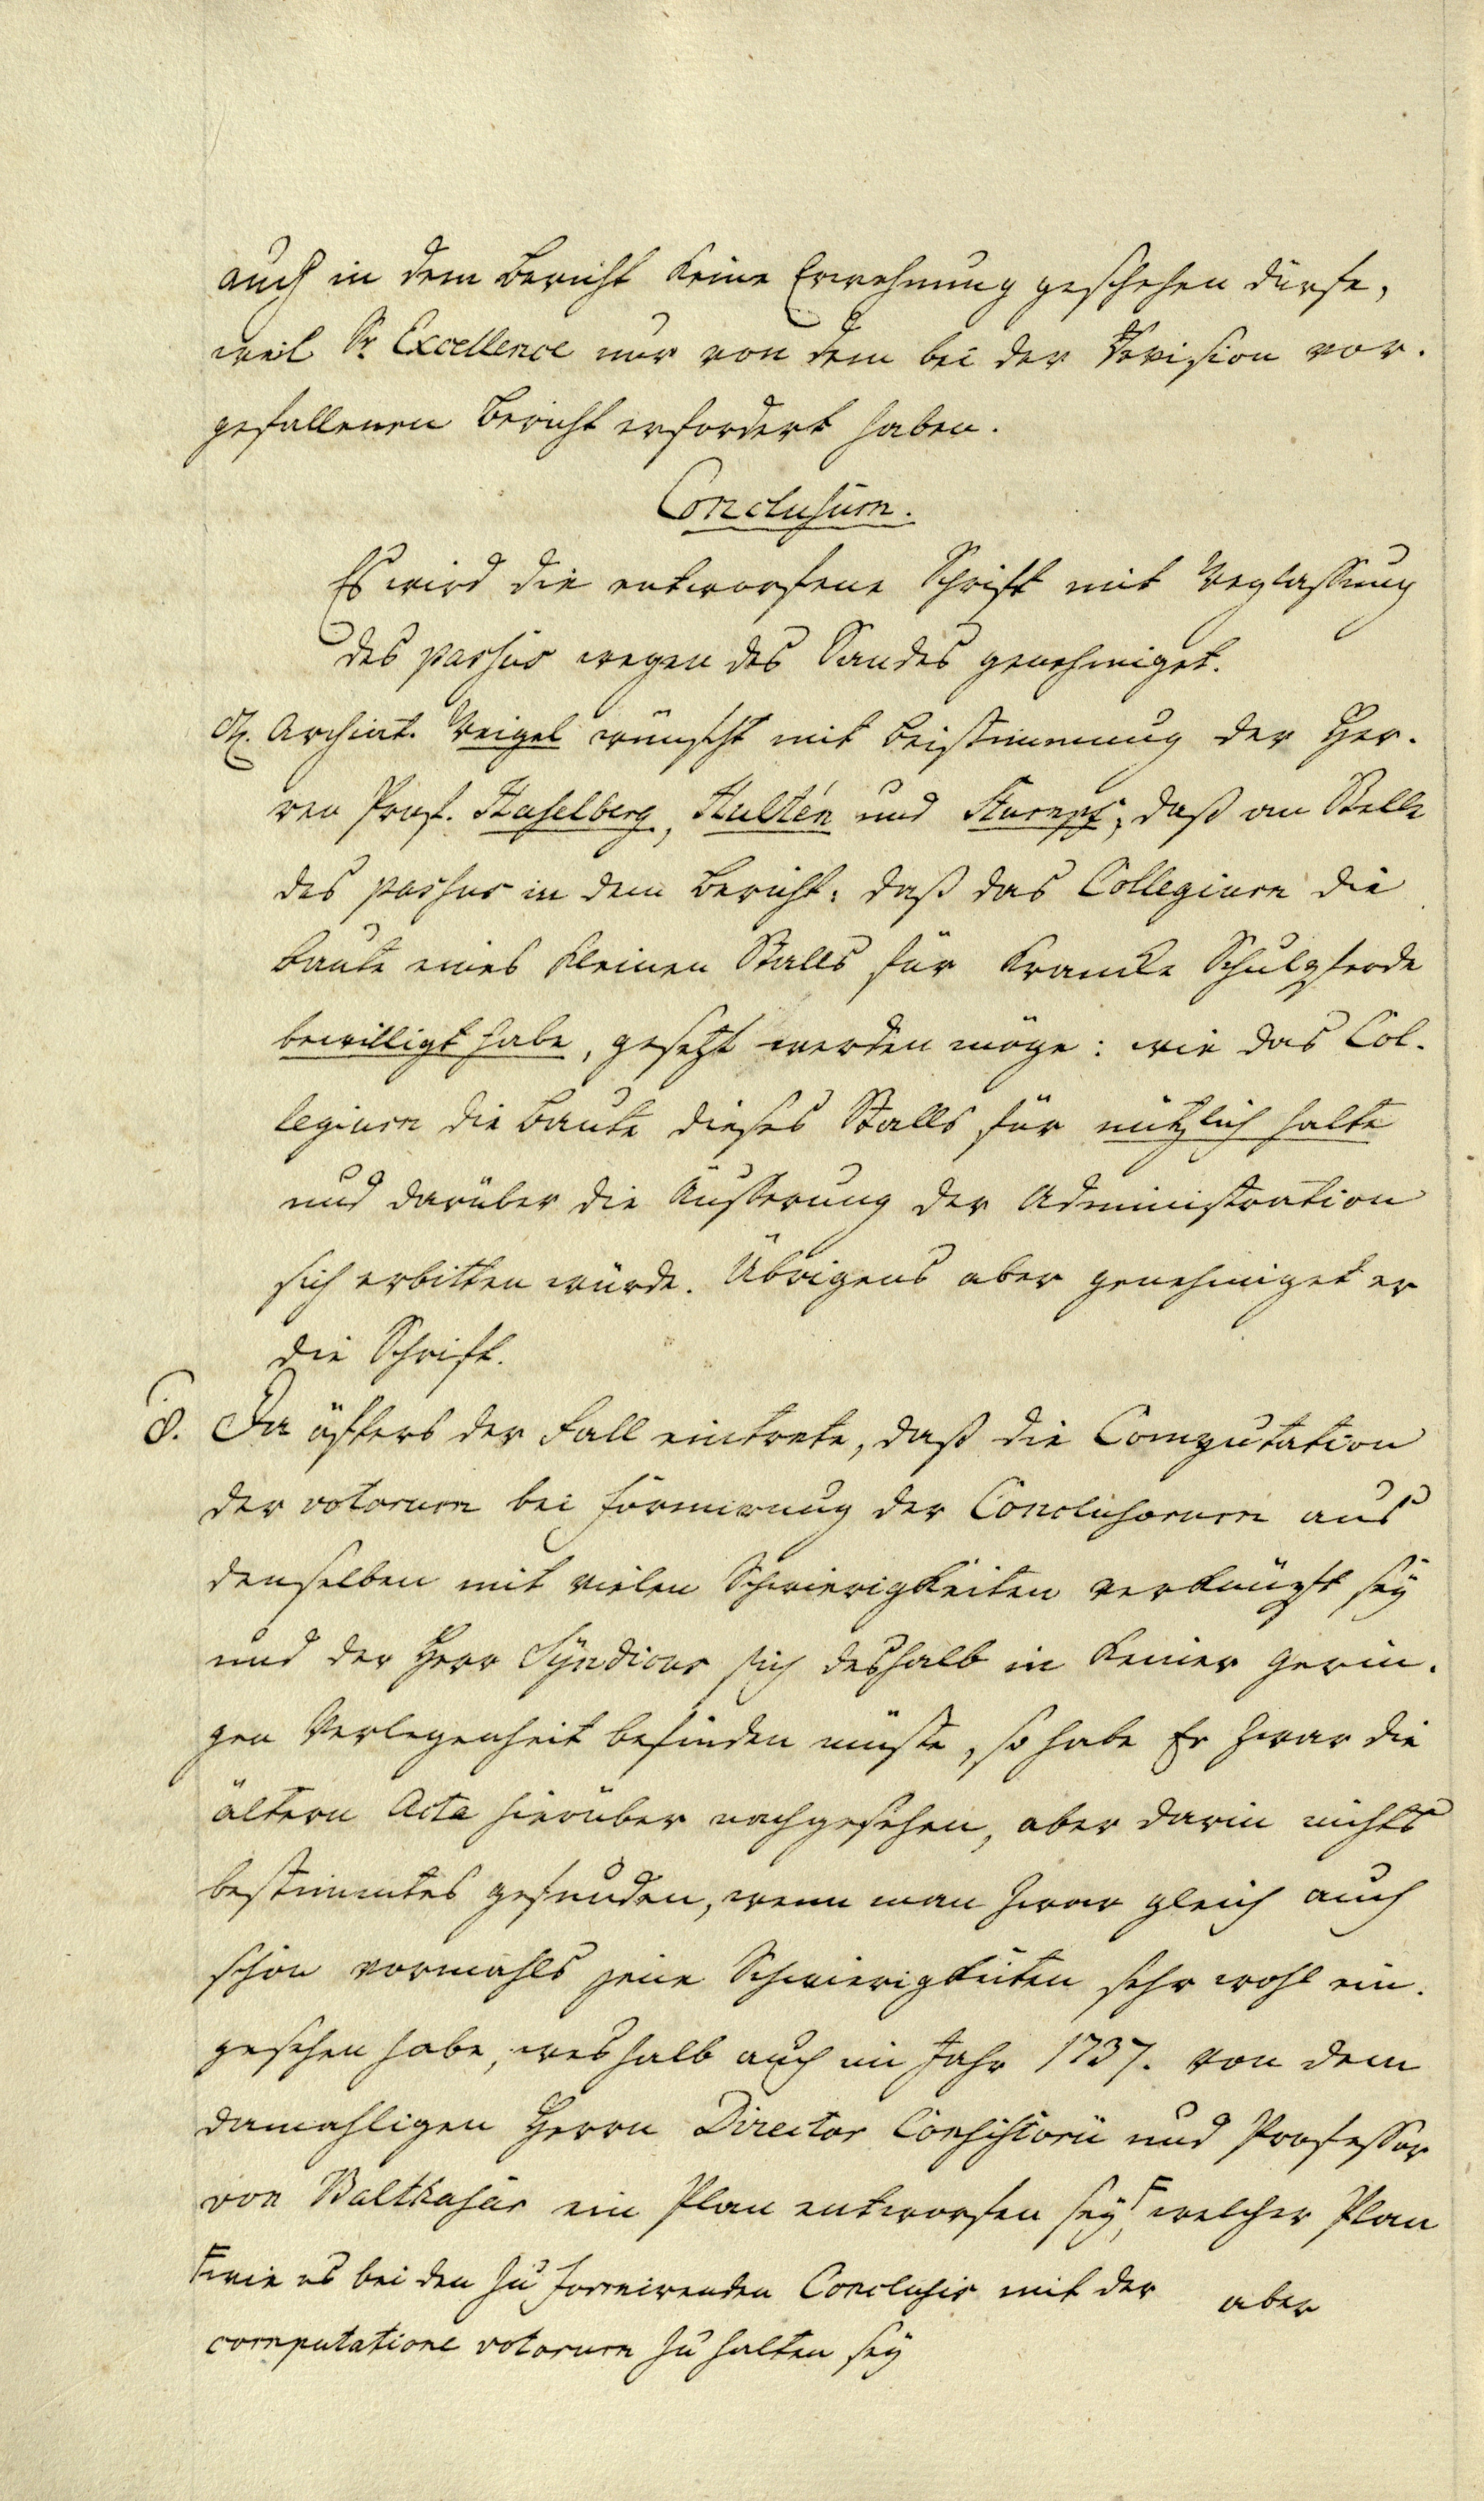auch in dem Bericht keine Erwehnung geschehen dürfe,
weil Sr Excellence nur von dem bei der Revision vor¬
gefallenen Bericht erfordert haben.
Conclusum.
Es wird die entworfene Schrift mit Weglassung
des passus wegen des Sandes genehmiget.
dh. Archiat. Weigel wünscht mit Beistimmung der Her¬
ren Prof. Haselberg, Hultén und Stumpf, daß an Stelle
des passus in dem Bericht: daß das Collegium die
Baute eines kleinen Stalls für krancke Schulpferde
bewilligt habe, gesetzt werden möge: wie das Col¬
legium die Baute dieses Stalls für nützlich halte
und darüber die Äusserung der Administration
sich erbitten würde. Übrigens aber genehmiget er
die Schrift.
8. Da öfters der Fall eintrete, daß die Computation
der votorum bei formirung der Conclusorum aus
denselben mit vielen Schwierigkeiten verknüpft seÿ
und der Herr Sÿndicus sich deshalb in keiner gerin¬
gen Verlegenheit befinden müßte, so habe Er zwar die
ältern Acta hierüber nachgesehen, aber darin nichts
bestimmtes gefunden, wenn man zwar gleich auch
schon vormahls jene Schwierigkeiten sehr wohl ein
gesehen habe, weshalb auch in Jahr 1737. von dem
damahligen Herrn Director Consistorii und Professor
von Balthasar ein Plan entworfen seÿ, welcher Plan
wie es bei den zu formirenden Conclusis mit der aber
computatione votorum zu halten seÿ